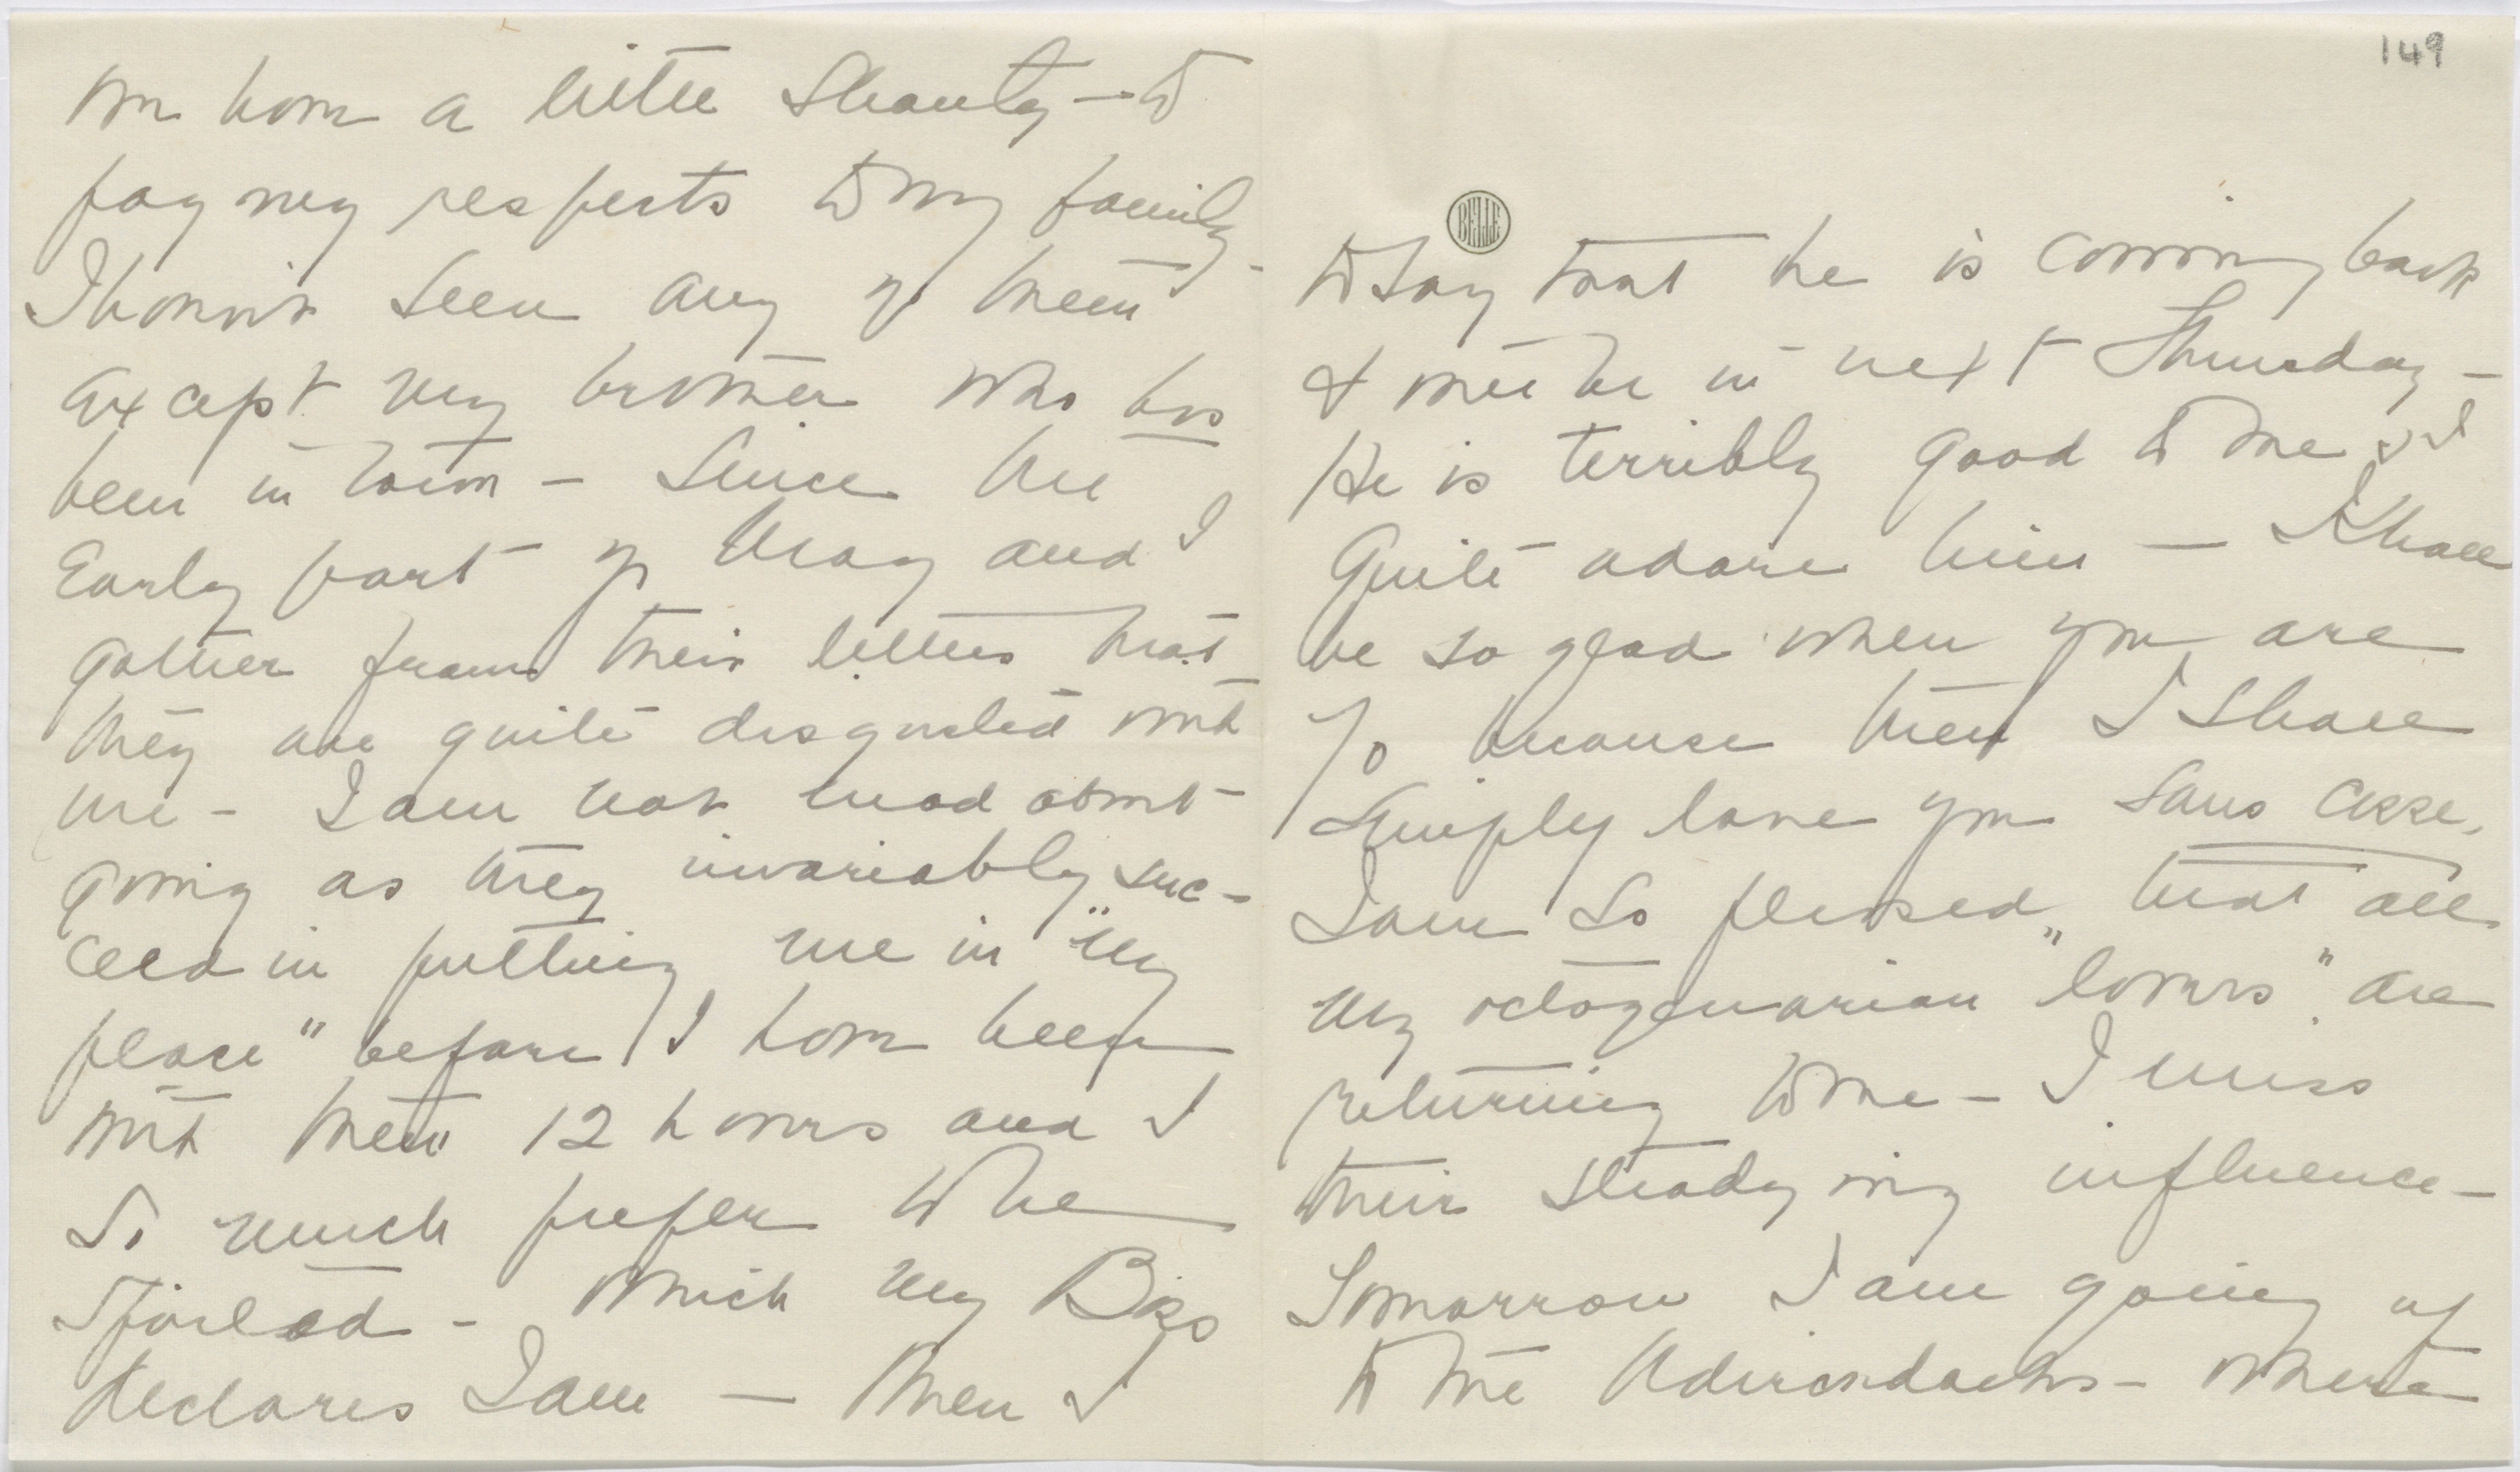to say that he is coming back & will be in next Thursday – He is terribly good to me & I quite adore him – I shall be so glad when you are 70 because then I shall simply love you sans cesse. I am so pleased that all my octogenarian “lovers” are returning to me – I miss their steadying influence –
Tomorrow I am going up to the Adirondacks – where
we have a little shanty – to pay my respects to my family – I haven’t seen any of them except my brother who has been in town – since the early part of May and I gather from their letters that they are quite disgusted with me – I am not mad about going as they invariably succeed in putting me in “my place” before I have been with them 12 hours and I so much prefer to be spoiled – which my Boss declares I am – then I